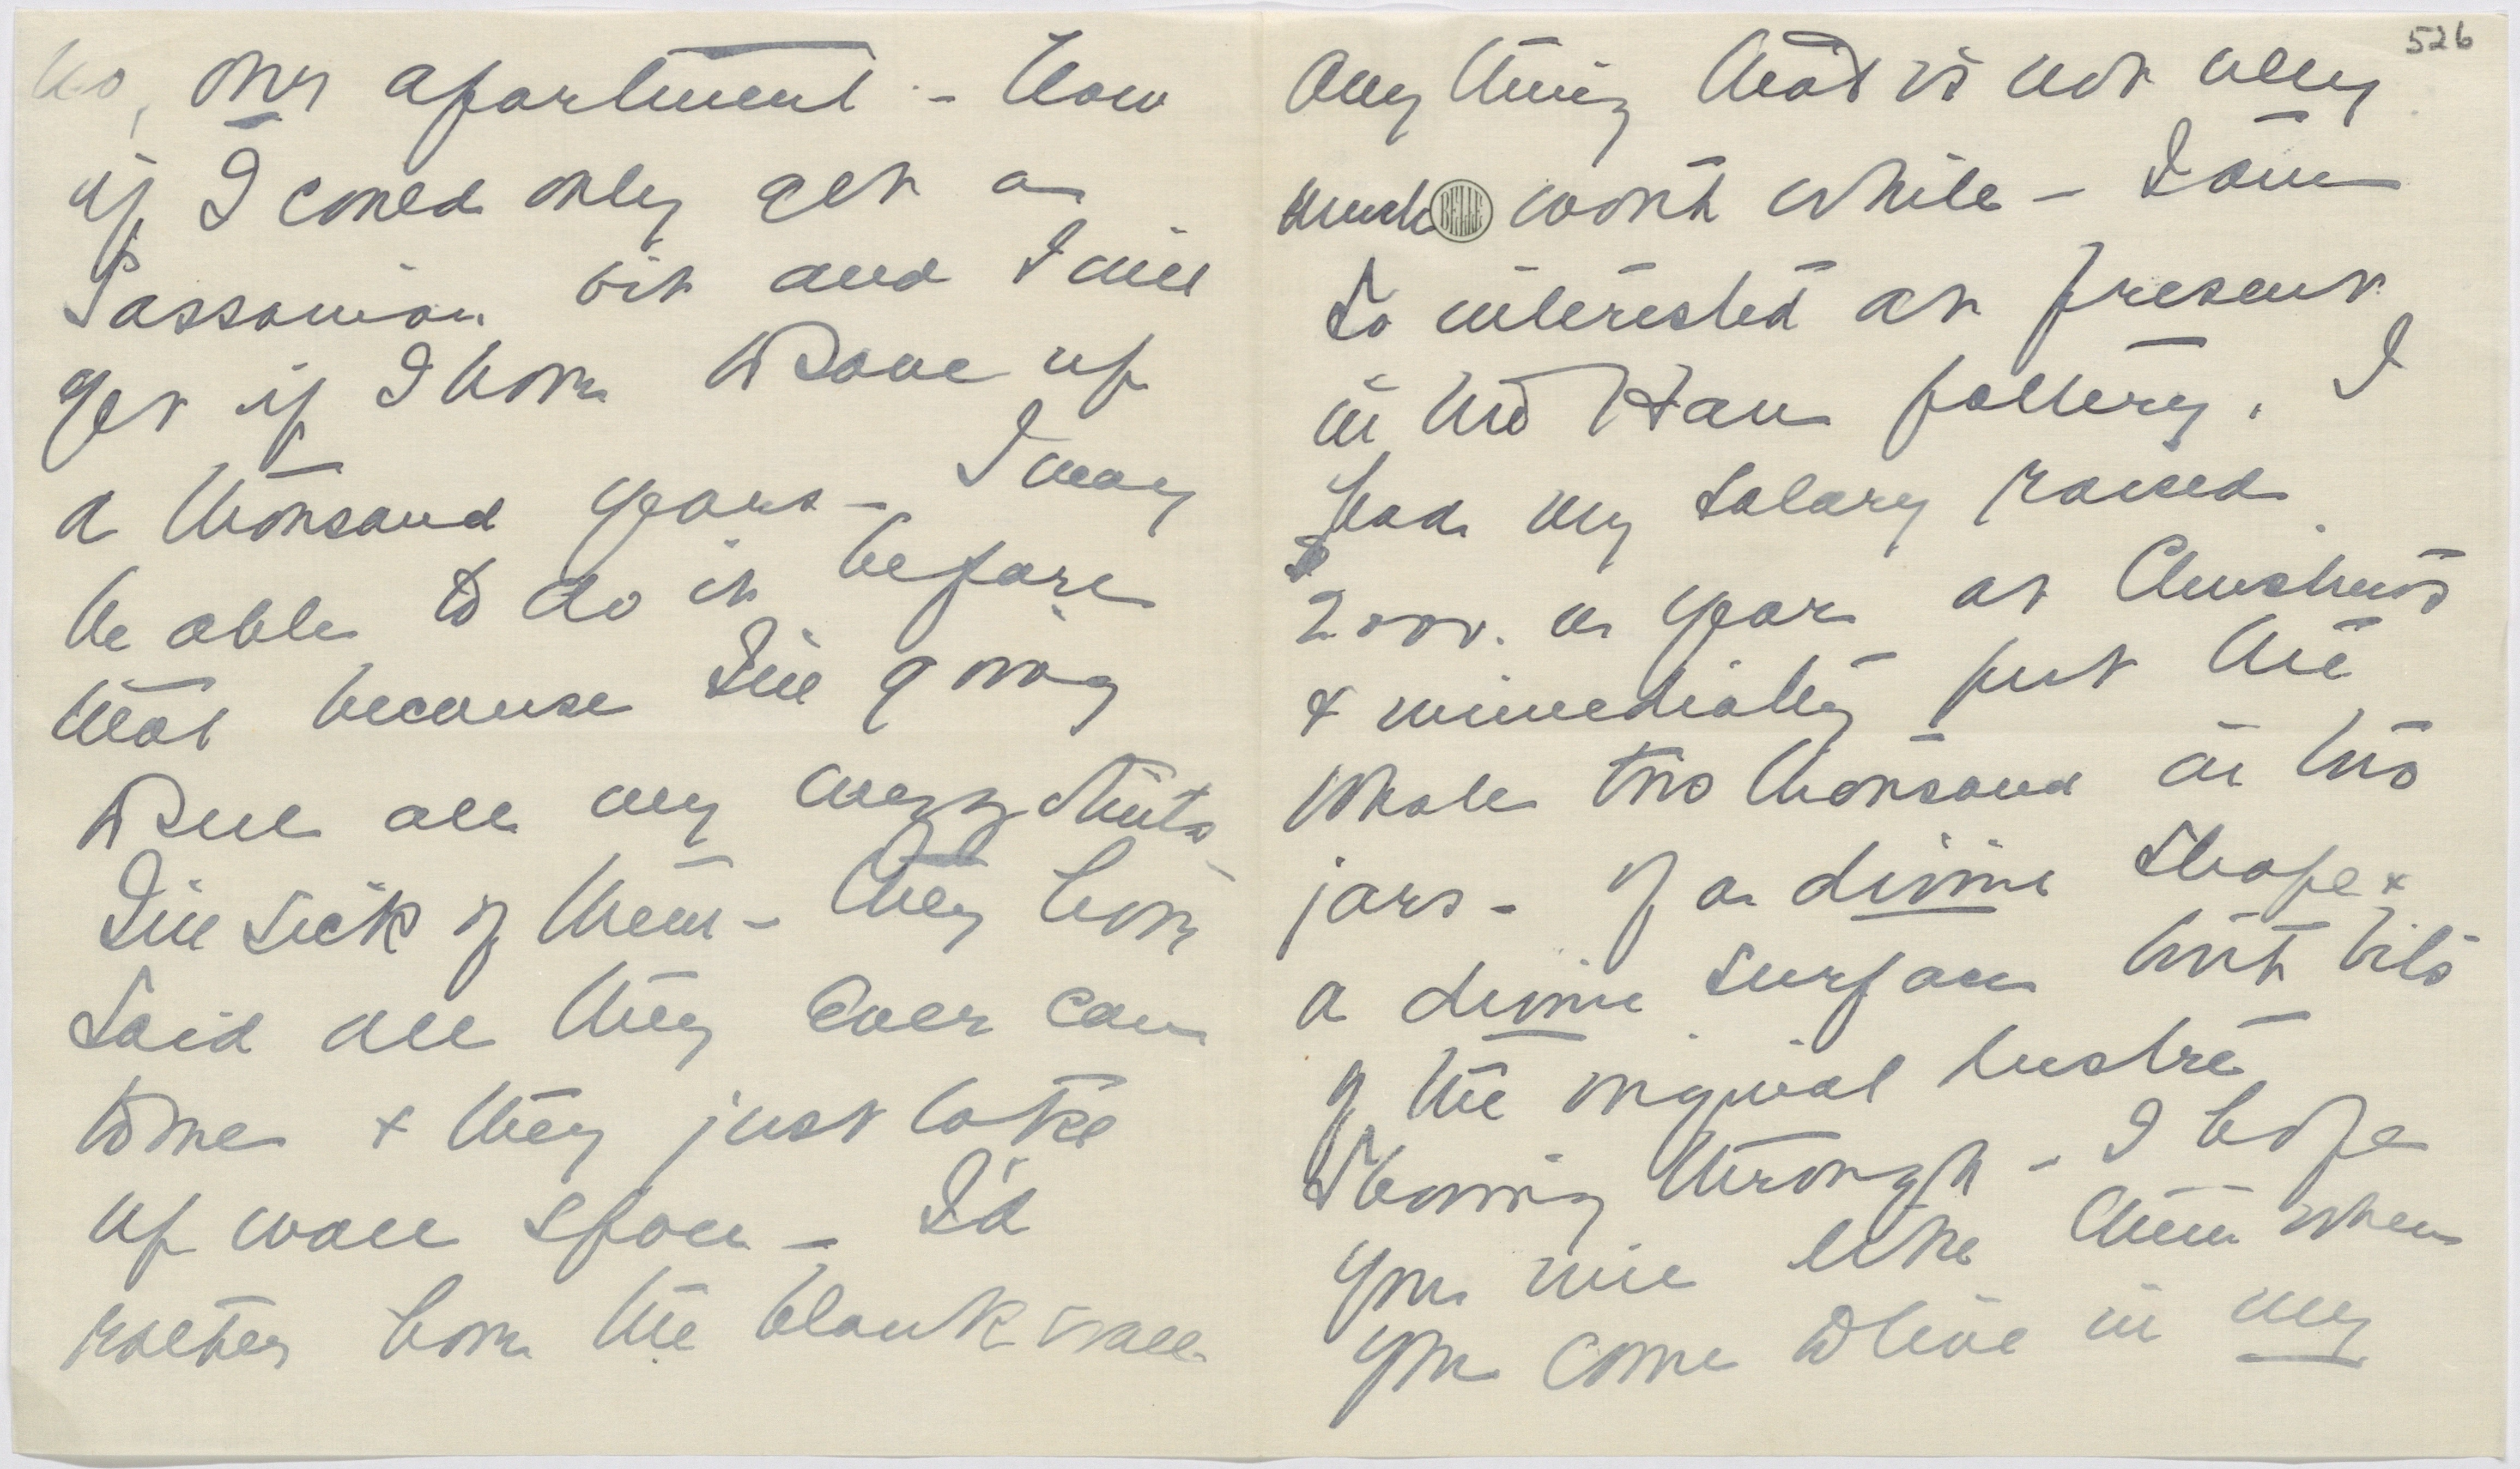any thing that is not very much worth while – I am so interested at present in the Han pottery. I had my salary raised $2000 a year at Christmas & immediately put the whole two thousand in two jars – of a divine shape & a divine surface with bits of the original lustre showing through – I hope you will like them when you come to live in my
no, our apartment – Now if I could only get a Sassanian [sic] bit and I will get if I have to save up a thousand years – I may be able to do it before that because I’m going to sell all my mezzotints – I’m sick of them – they have said all they ever can to me & they just take up wall space – I’d rather have the blank wall